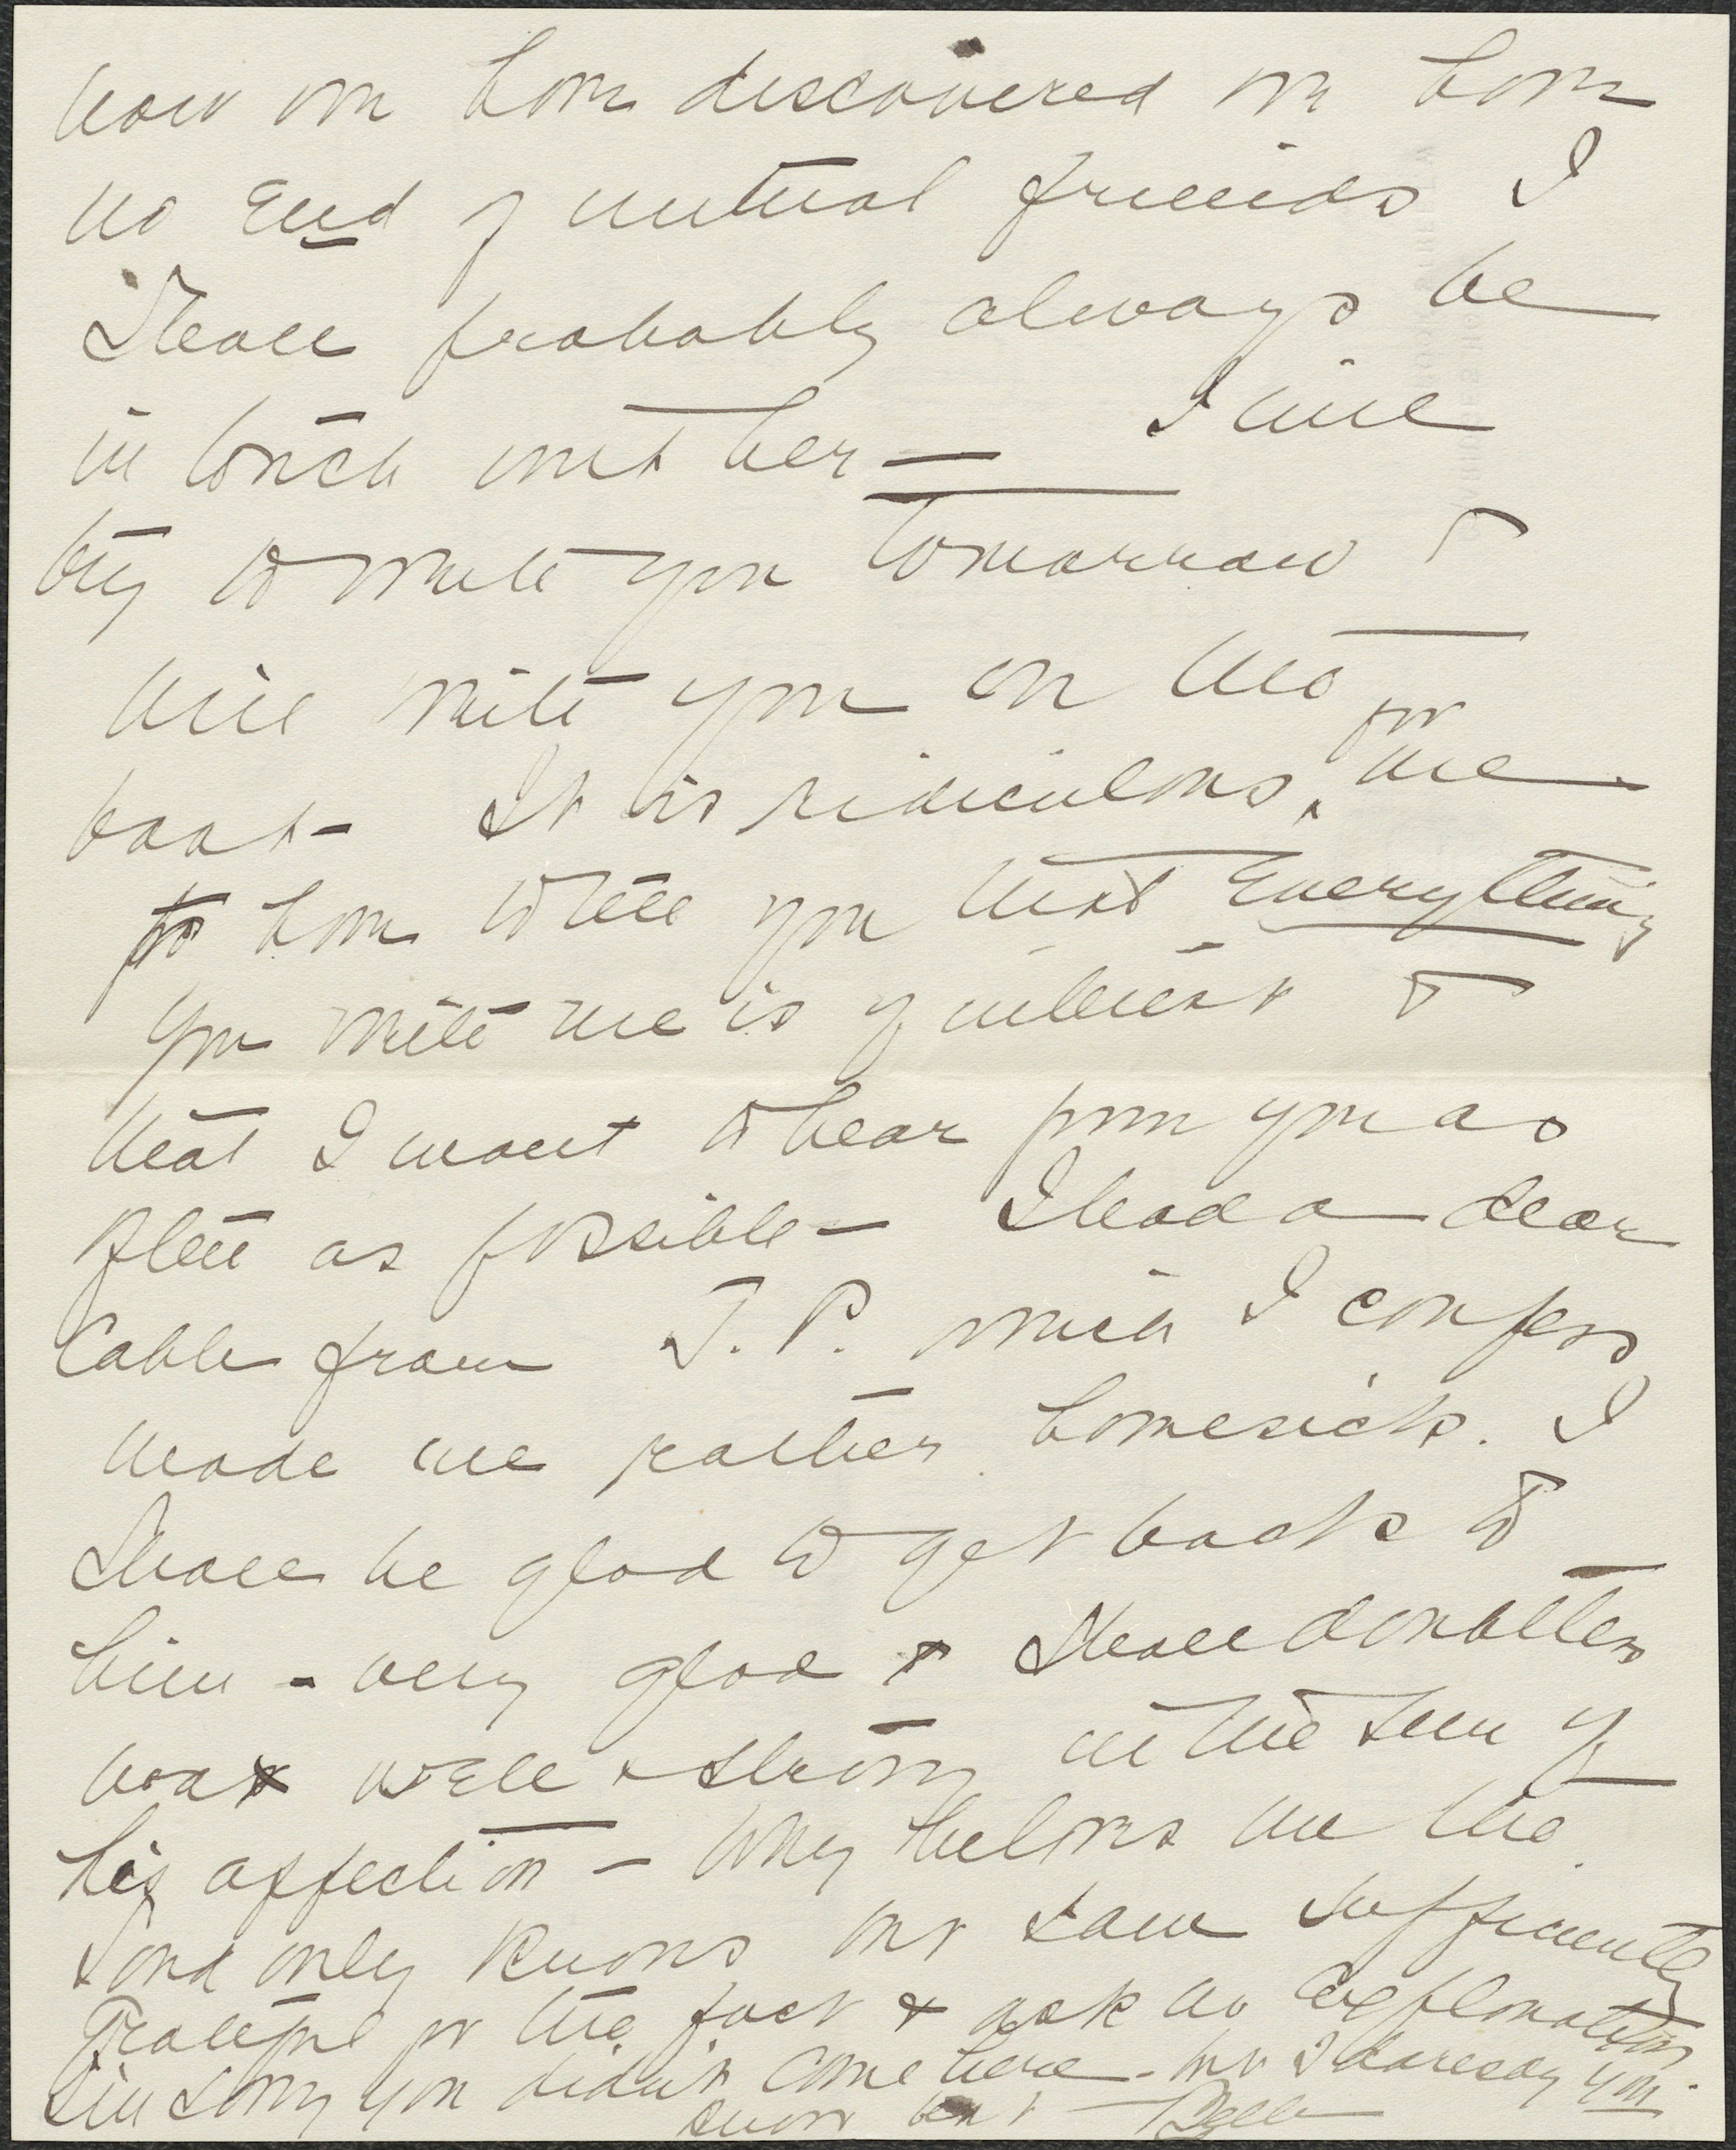now we have discovered we have no end of mutual friends I shall probably always be in touch with her – I will try to write you tomorrow & will write you on the boat It is ridiculous [^for^] me to have to tell you that everything you write me is of interest & that I want to hear from you as often as possible – I had a dear cable from J.P. which I confess made me rather homesick. I shall be glad to get back to him – very glad & shall doubtless heat well & strong in the sun of his affection – Why he loves me the Lord only knows but I am sufficiently grateful for the fact & ask no explanation. I’m sorry you didn’t come here – but I daresay you know best Belle